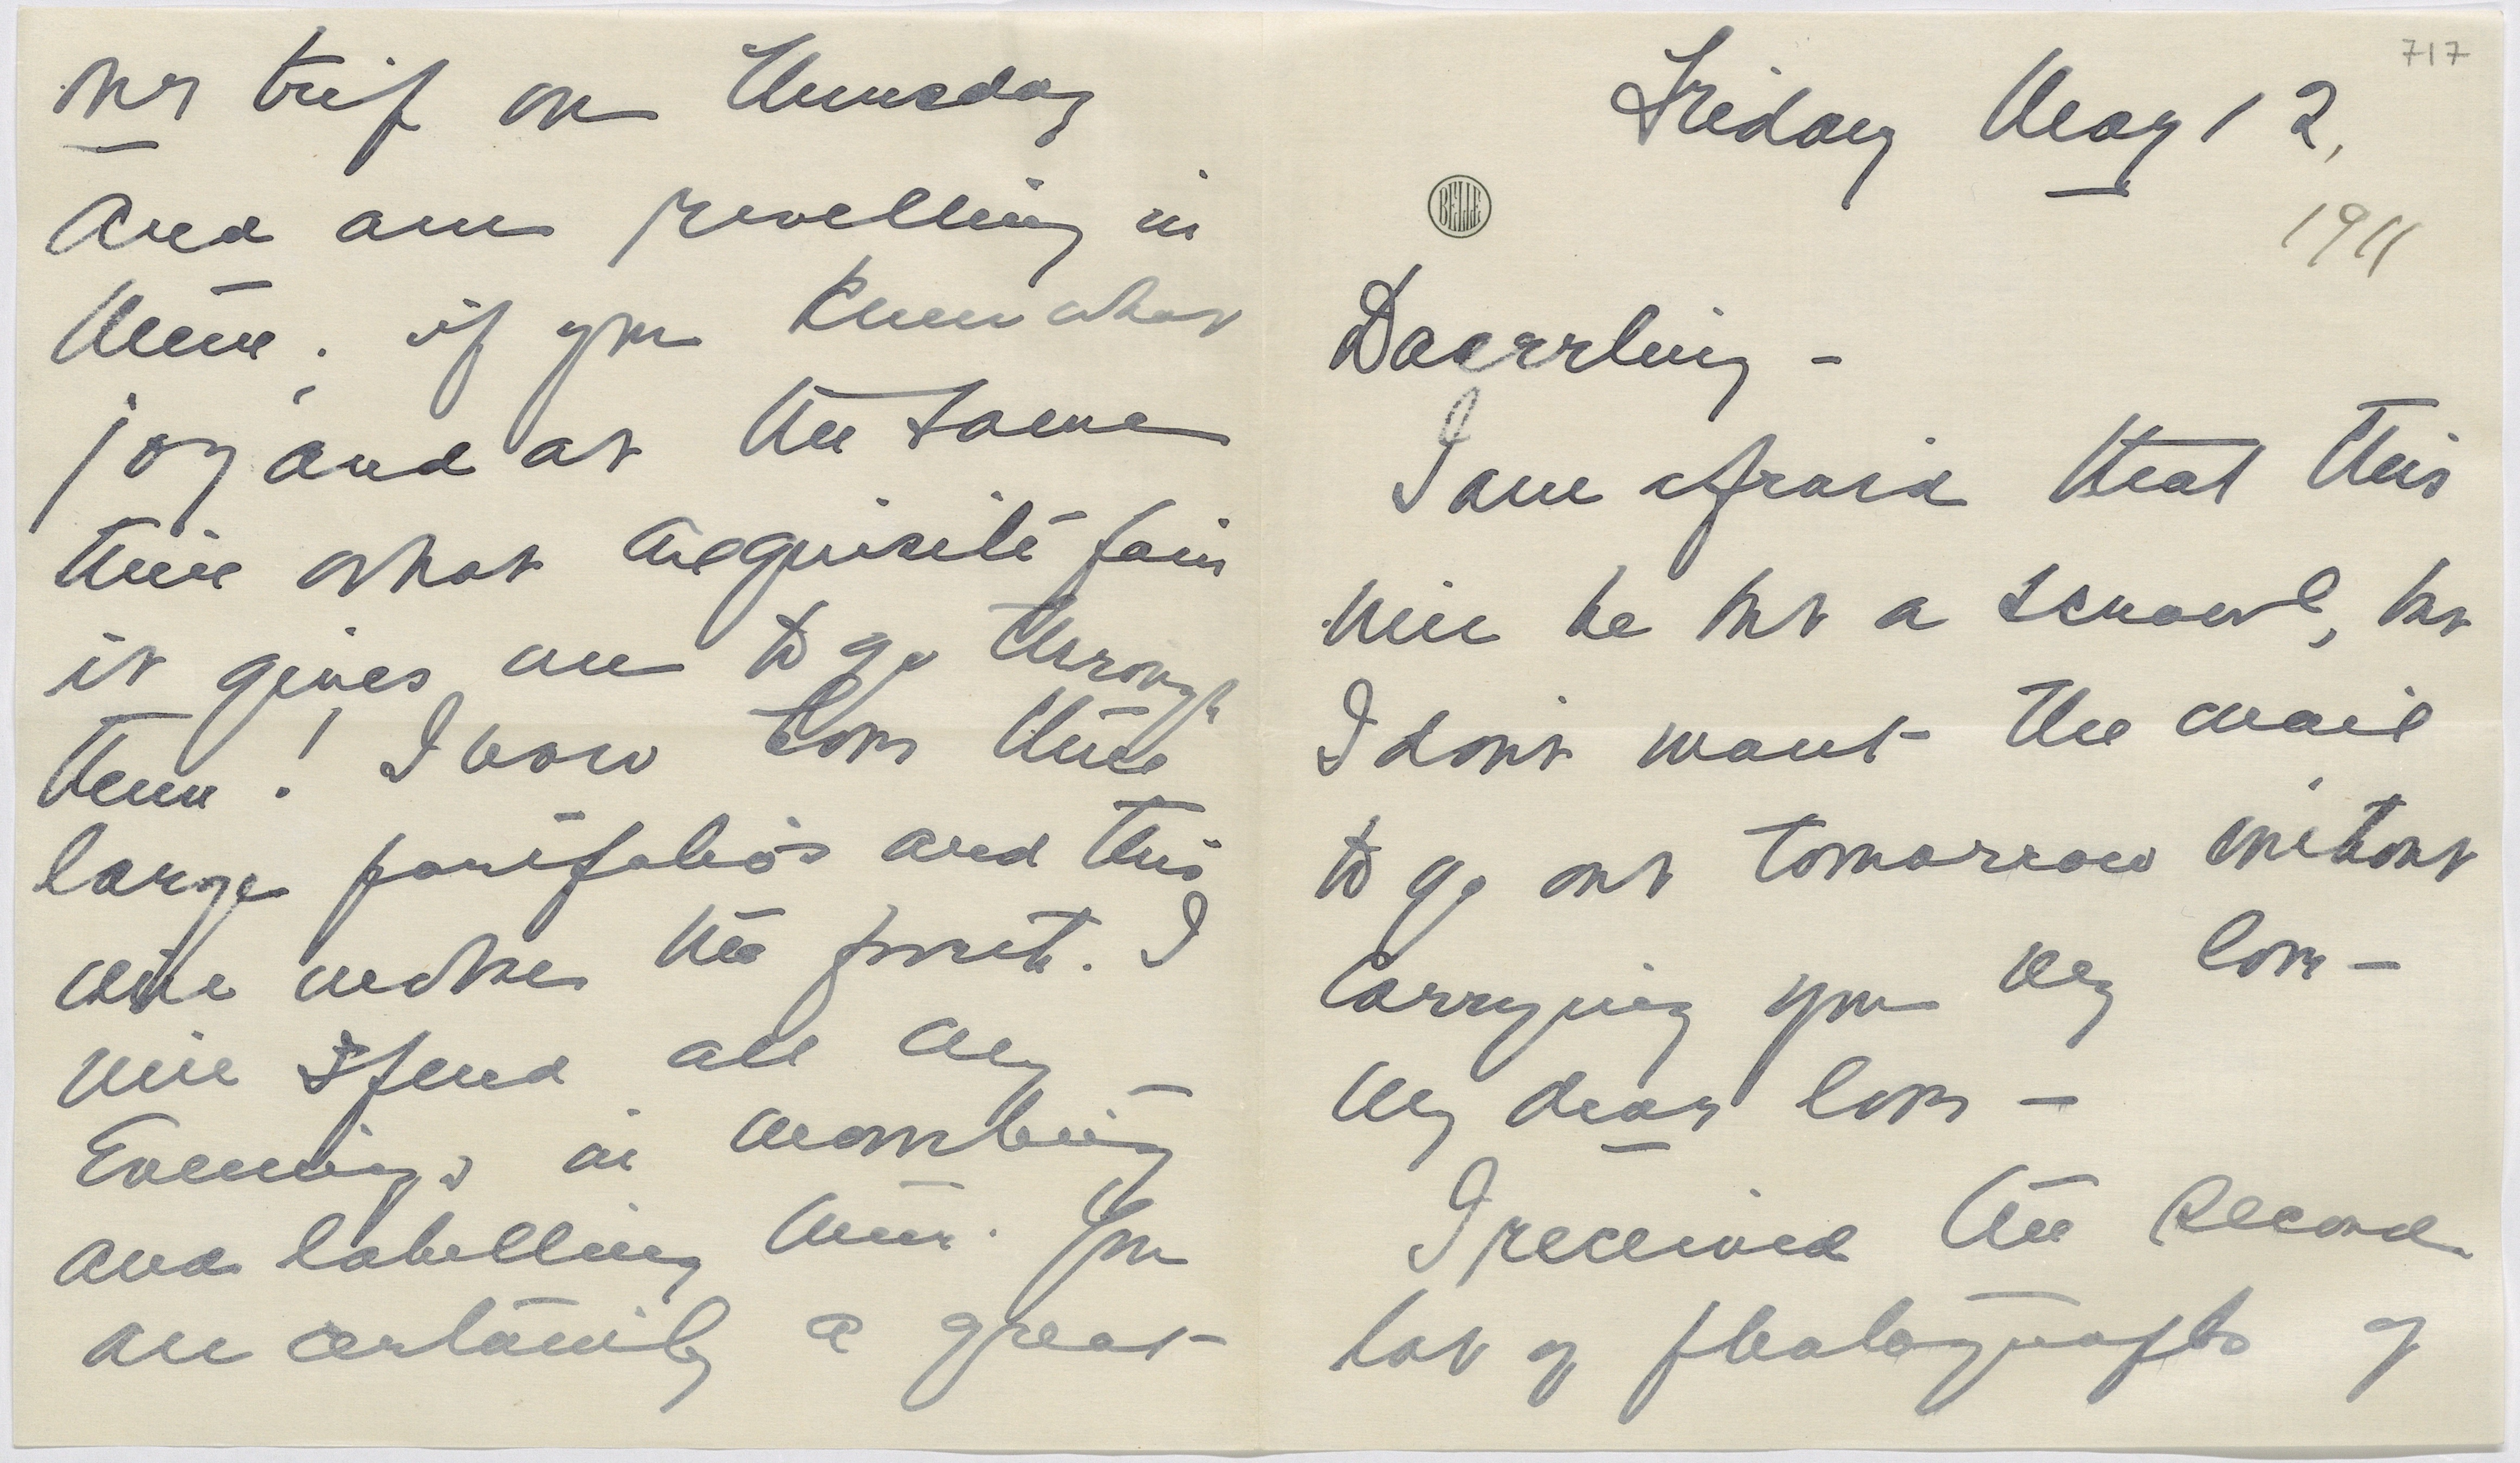Friday May 12
Daarrling –
I am afraid that this will be but a scrawl, but I don’t want the mail to go out tomorrow without carrying you my love –
My dear love –
I received the second lot of photographs of
our trip on Thursday and am revelling in them; if you knew what joy and at the same time what exquisite pain it gives me to go through them! I now have three large portfolios and this will make the fourth. I will spend all my evenings in mounting and labelling them. You are certainly a great